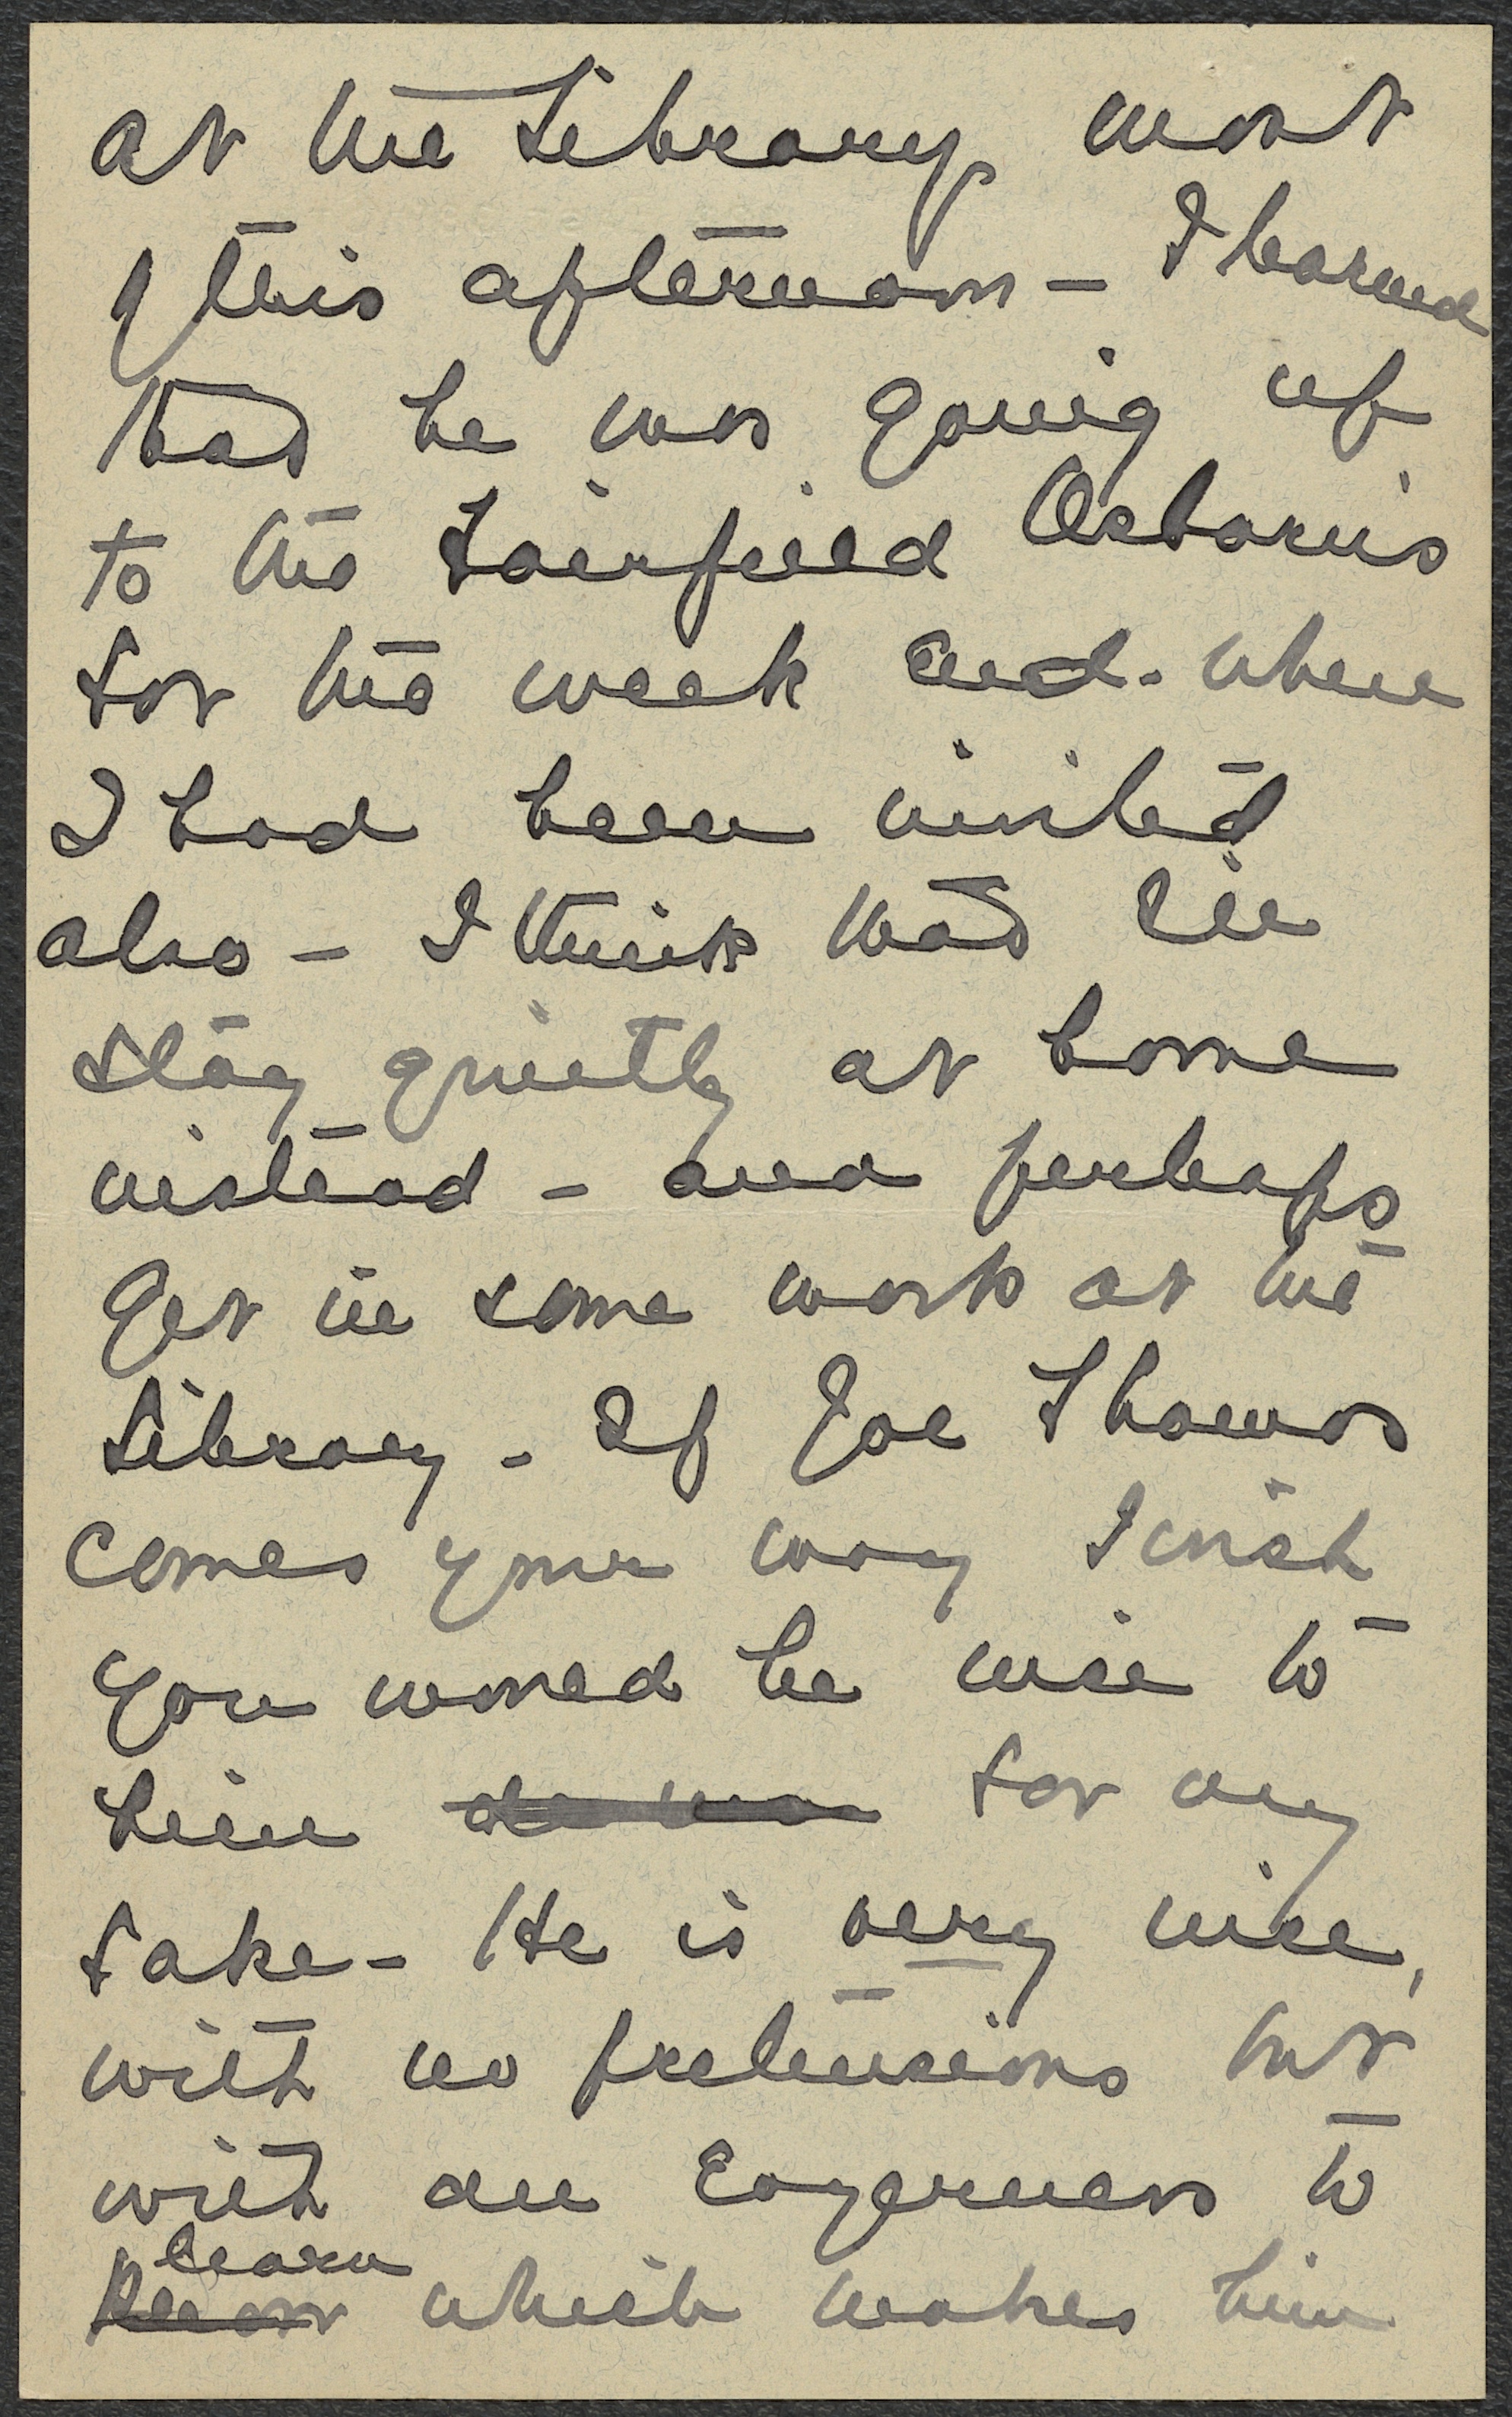at the Library most of this afternoon – I learned that he was going up to the Fairfield Osborn’s for the week end – where I had been invited also – I think that I’ll stay quietly at home instead – and perhaps get in some work at the Library – If Joe Thomas comes your way I wish you would be nice to him [illegible deletion] for my sake – He is very nice, with no pretensions but with an eagerness to know [^learn^] which makes him